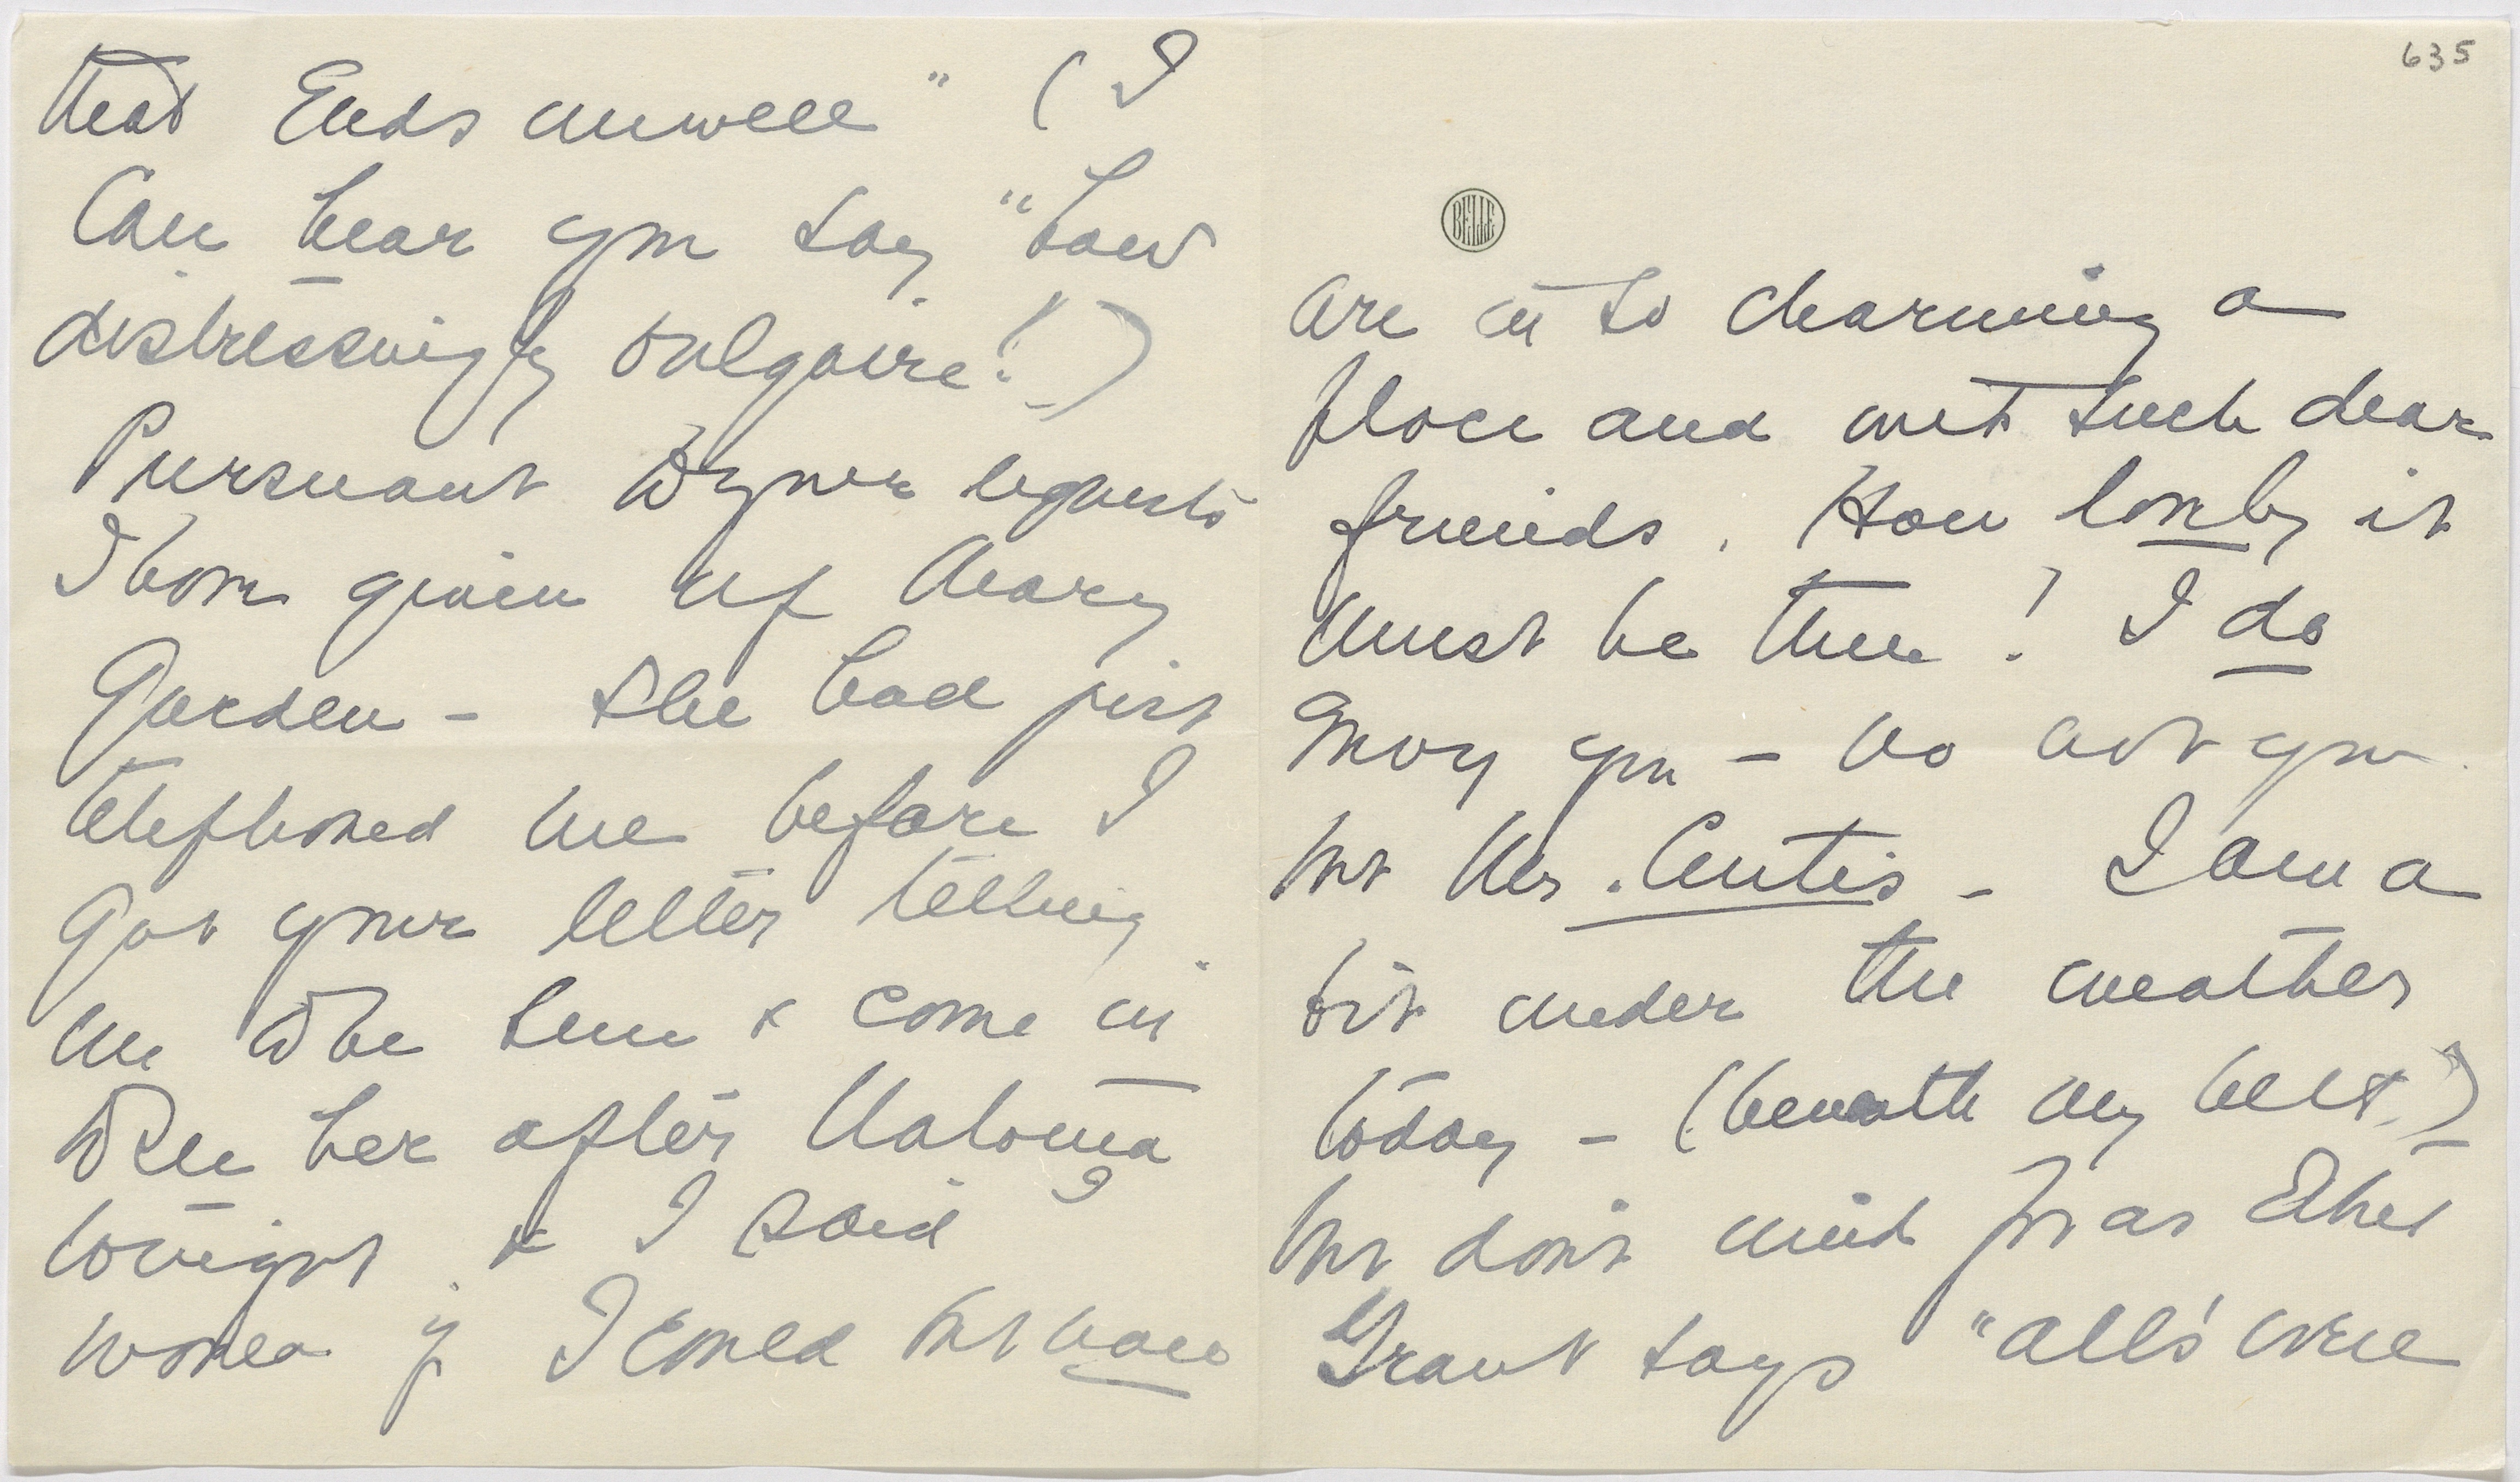are in so charming a place and with such dear friends. How lovely it must be there! I do envy you – no not you but Mr. Curtis – I am a bit under the weather today – (beneath my belt!) but don’t mind for as Ethel Grant says “all’s well
that ends unwell” (I can hear you say “how distressingly vulgaire!)
Pursuant to your requests I have give up Mary Garden – she had just telephoned me before I got your letter telling me to be sure & come in to see her after Natoma tonight & I said I would if I could but now